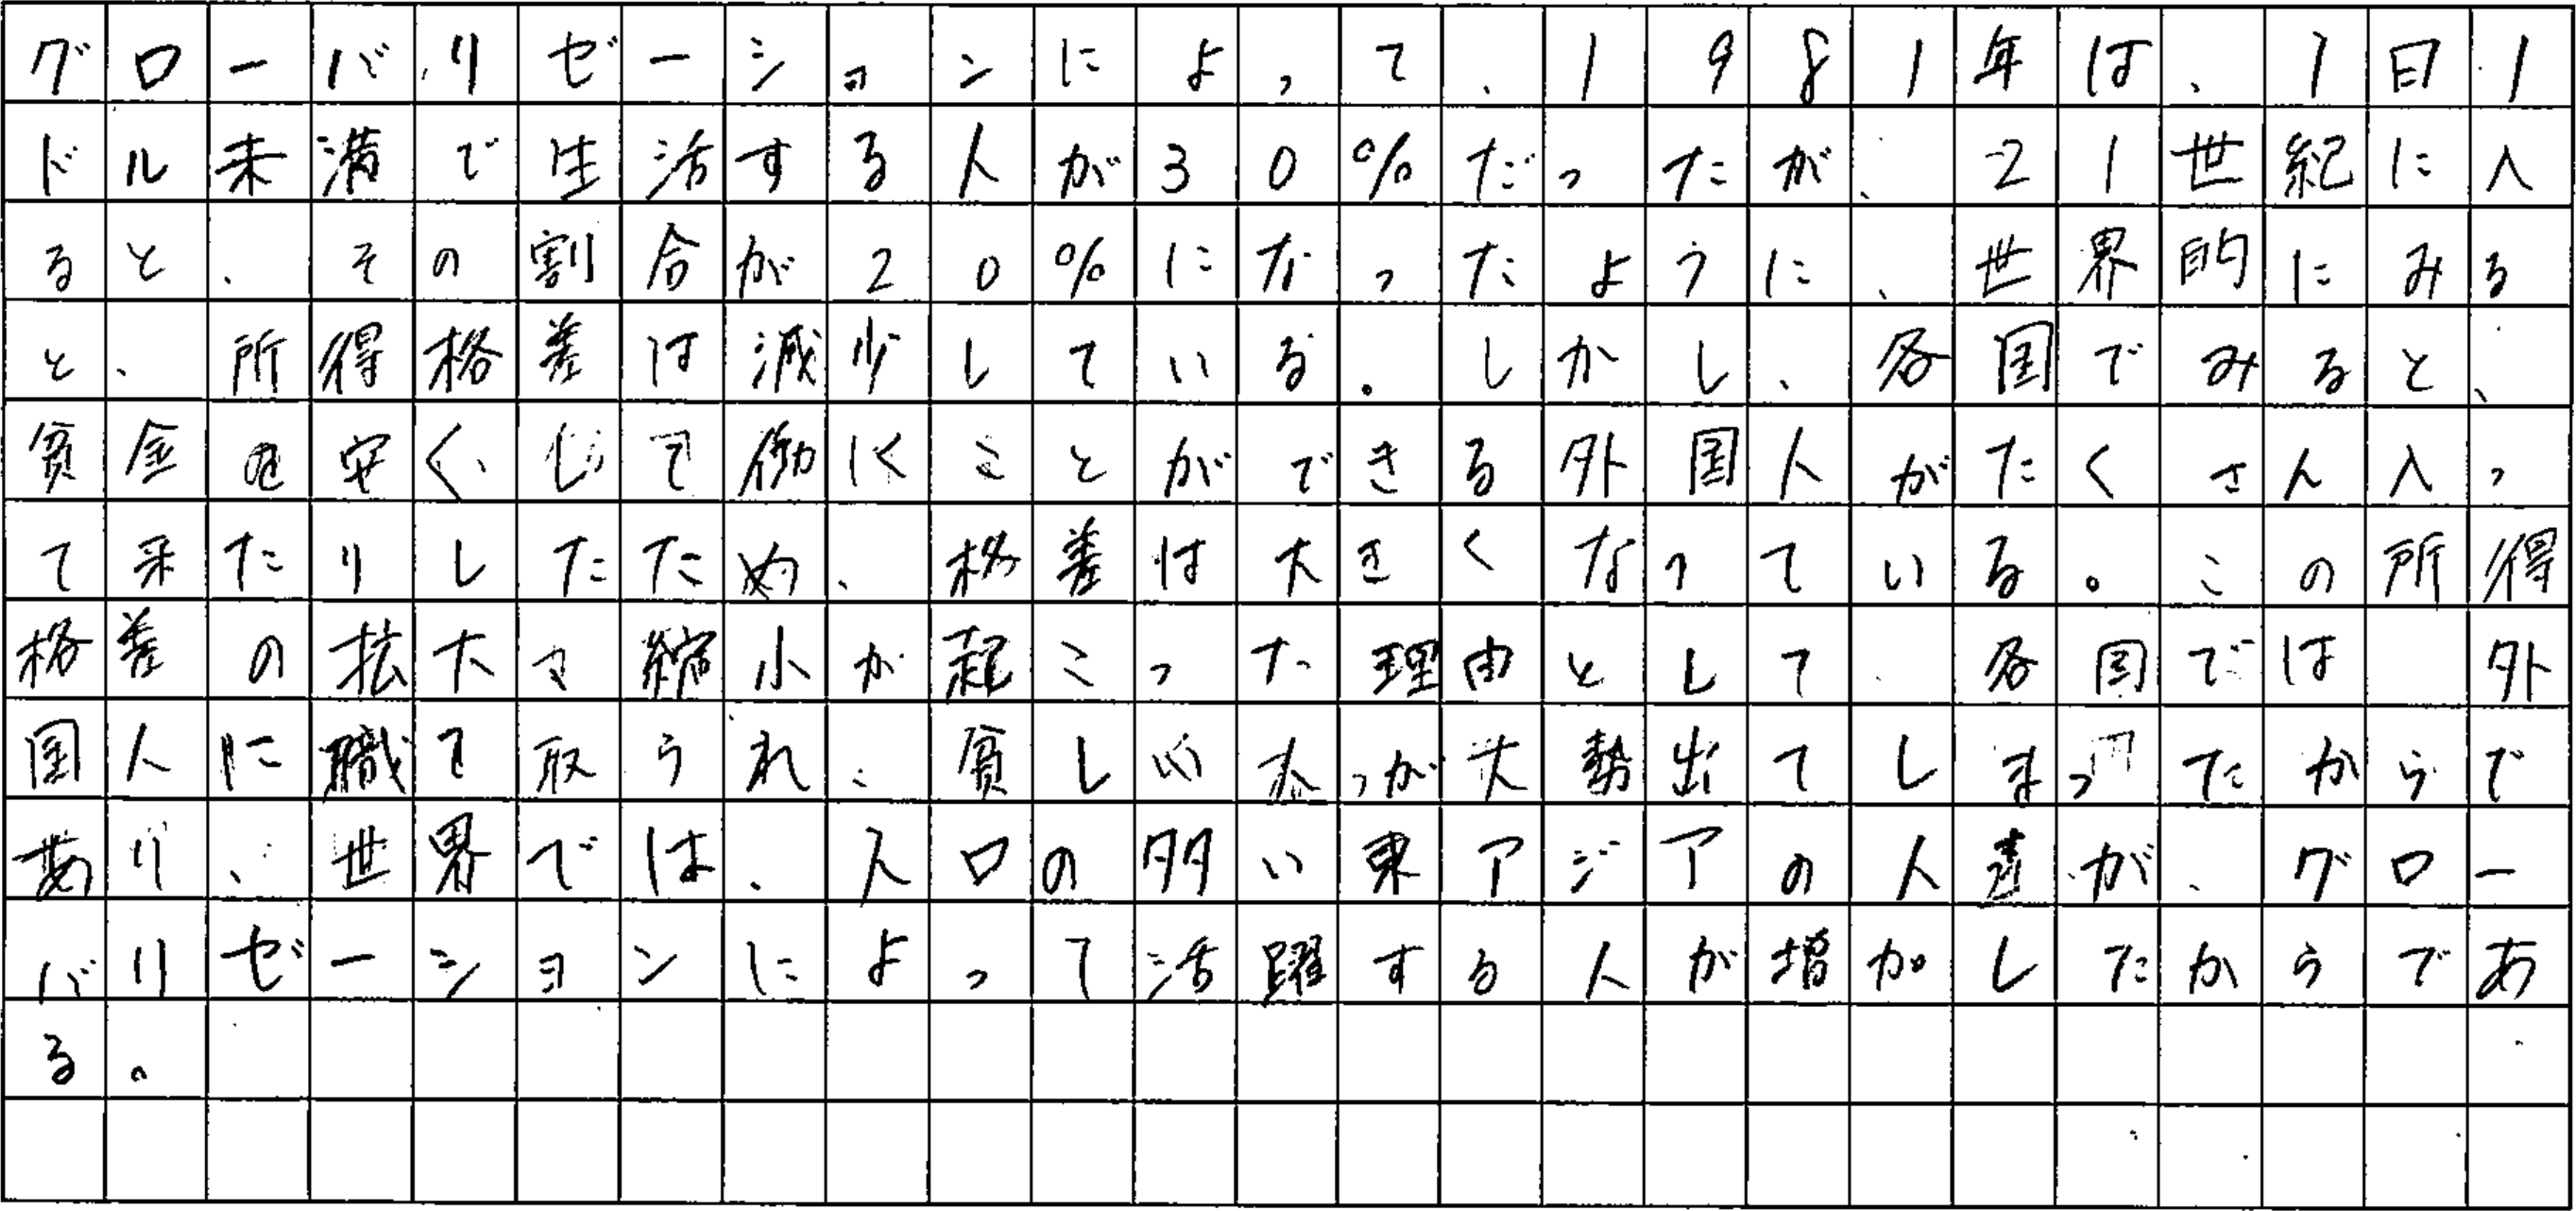グローバリゼーションによって、１９８１年は、１日１ドル未満で生活する人が３０％だったが、２１世紀に入ると、その割合が２０％になったように、世界的にみると、所得格差は減少している。しかし、各国でみると、賃金を安くして働くことができる外国人がたくさん入って来たりしたため、格差は大きくなっている。この所得格差の拡大、縮小が起こった理由として、各国では、外国人に職を取られ、貧しい人が大勢出てしまったからであり、世界では、人口の多い東アジアの人達が、グローバリゼーションによって活躍する人が増加したからである。
